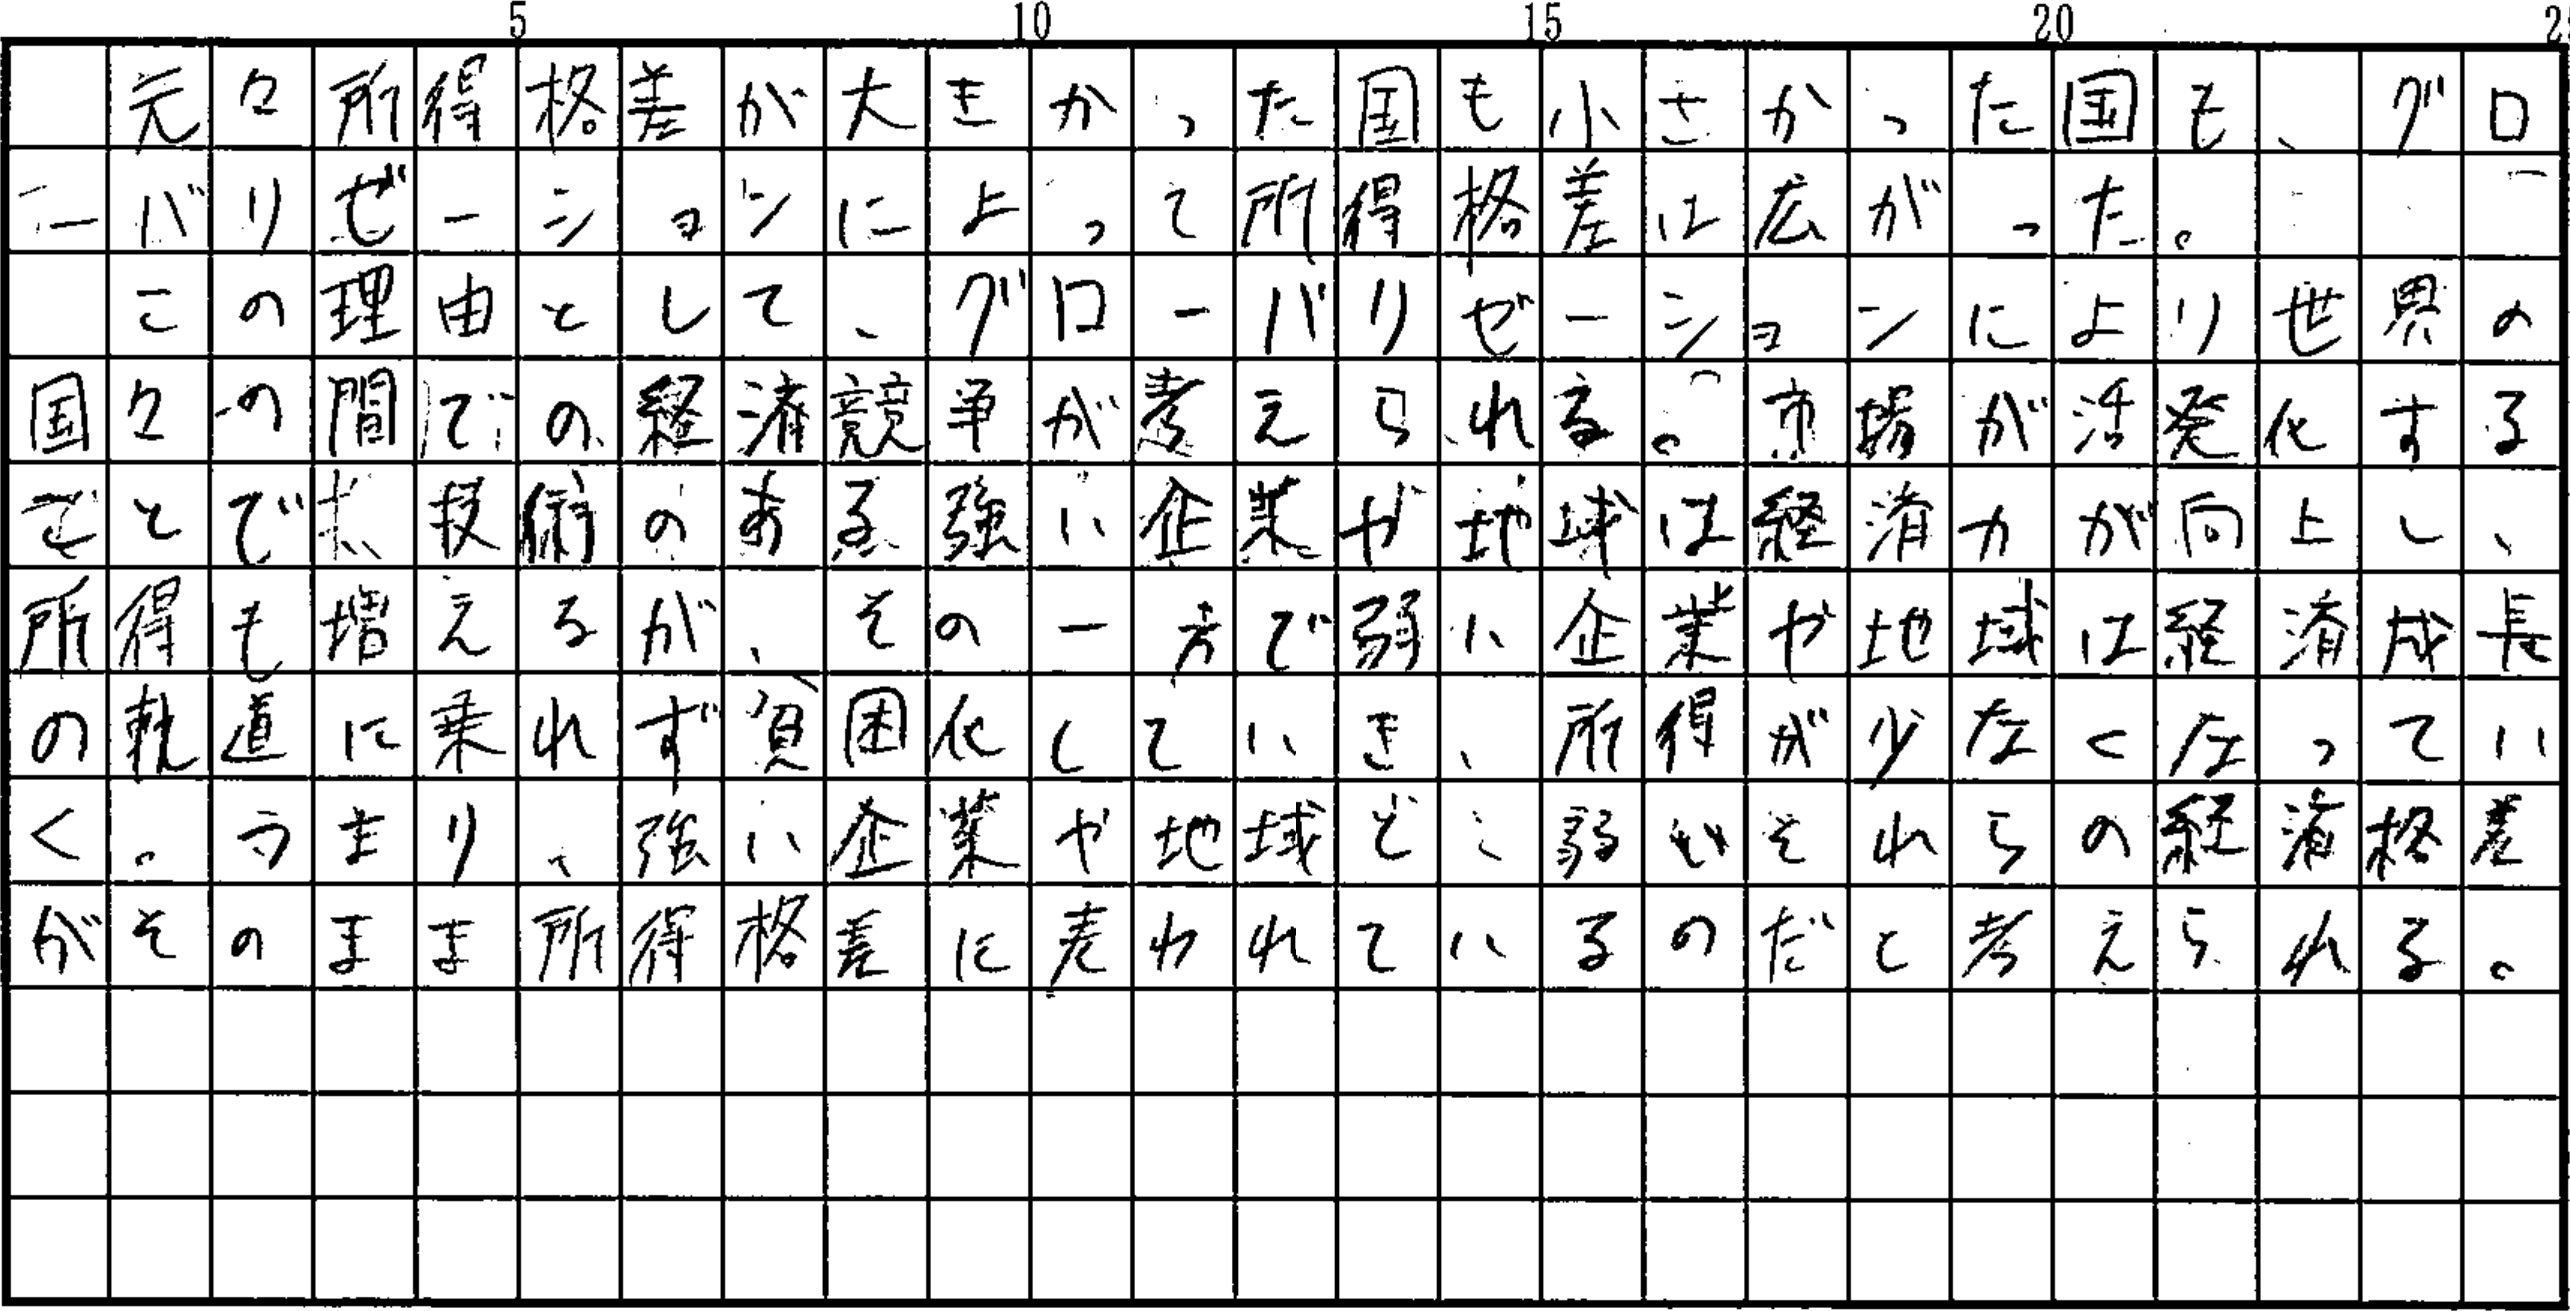　元々所得格差が大きかった国も小さかった国も、グローバリゼーションによって所得格差は広がった。
　この理由として、グローバリゼーションにより世界の国々の間での経済競争が考えられる。市場が活発化することで、技術のある強い企業や地域は経済力が向上し、所得も増えるが、その一方で弱い企業や地域は経済成長の軌道に乗れず貧困化していき、所得が少なくなっていく。つまり、強い企業や地域と、弱いそれらの経済格差がそのまま所得格差に表れているのだと考えられる。
